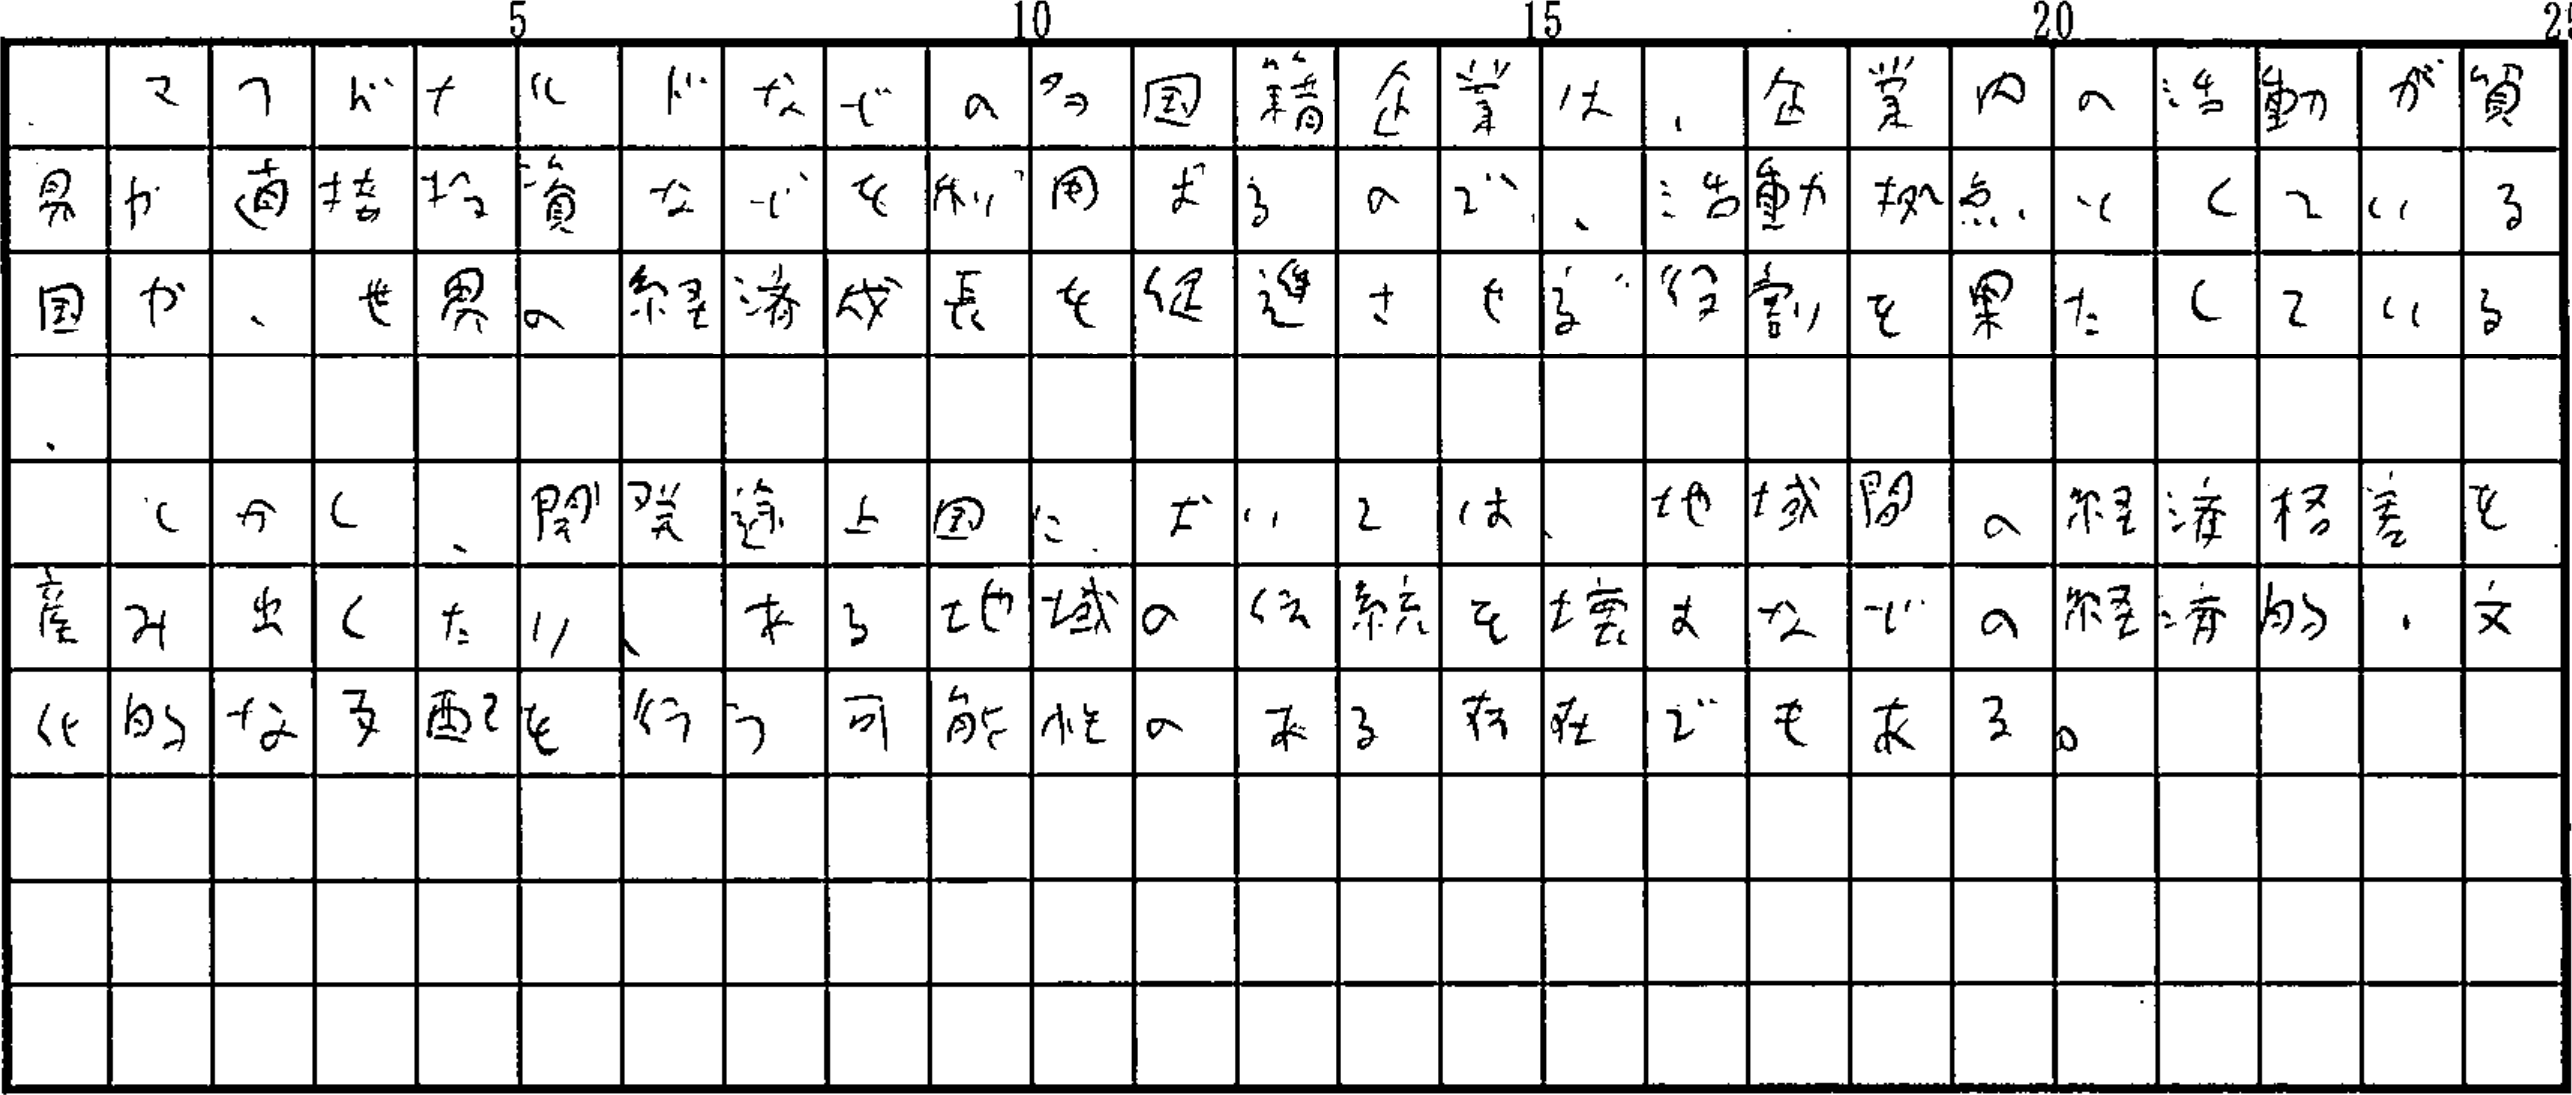　マクドナルドなどの多国籍企業は、企業内の活動が貿易や直接投資などを利用するので、活動拠点としている国や、世界の経済成長を促進させる役割を果たしている。
　
　しかし、開発途上国においては、地域間の経済格差を産み出したり、ある地域の伝統を壊すなどの経済的・文化的な支配を行う可能性のある存在でもある。
